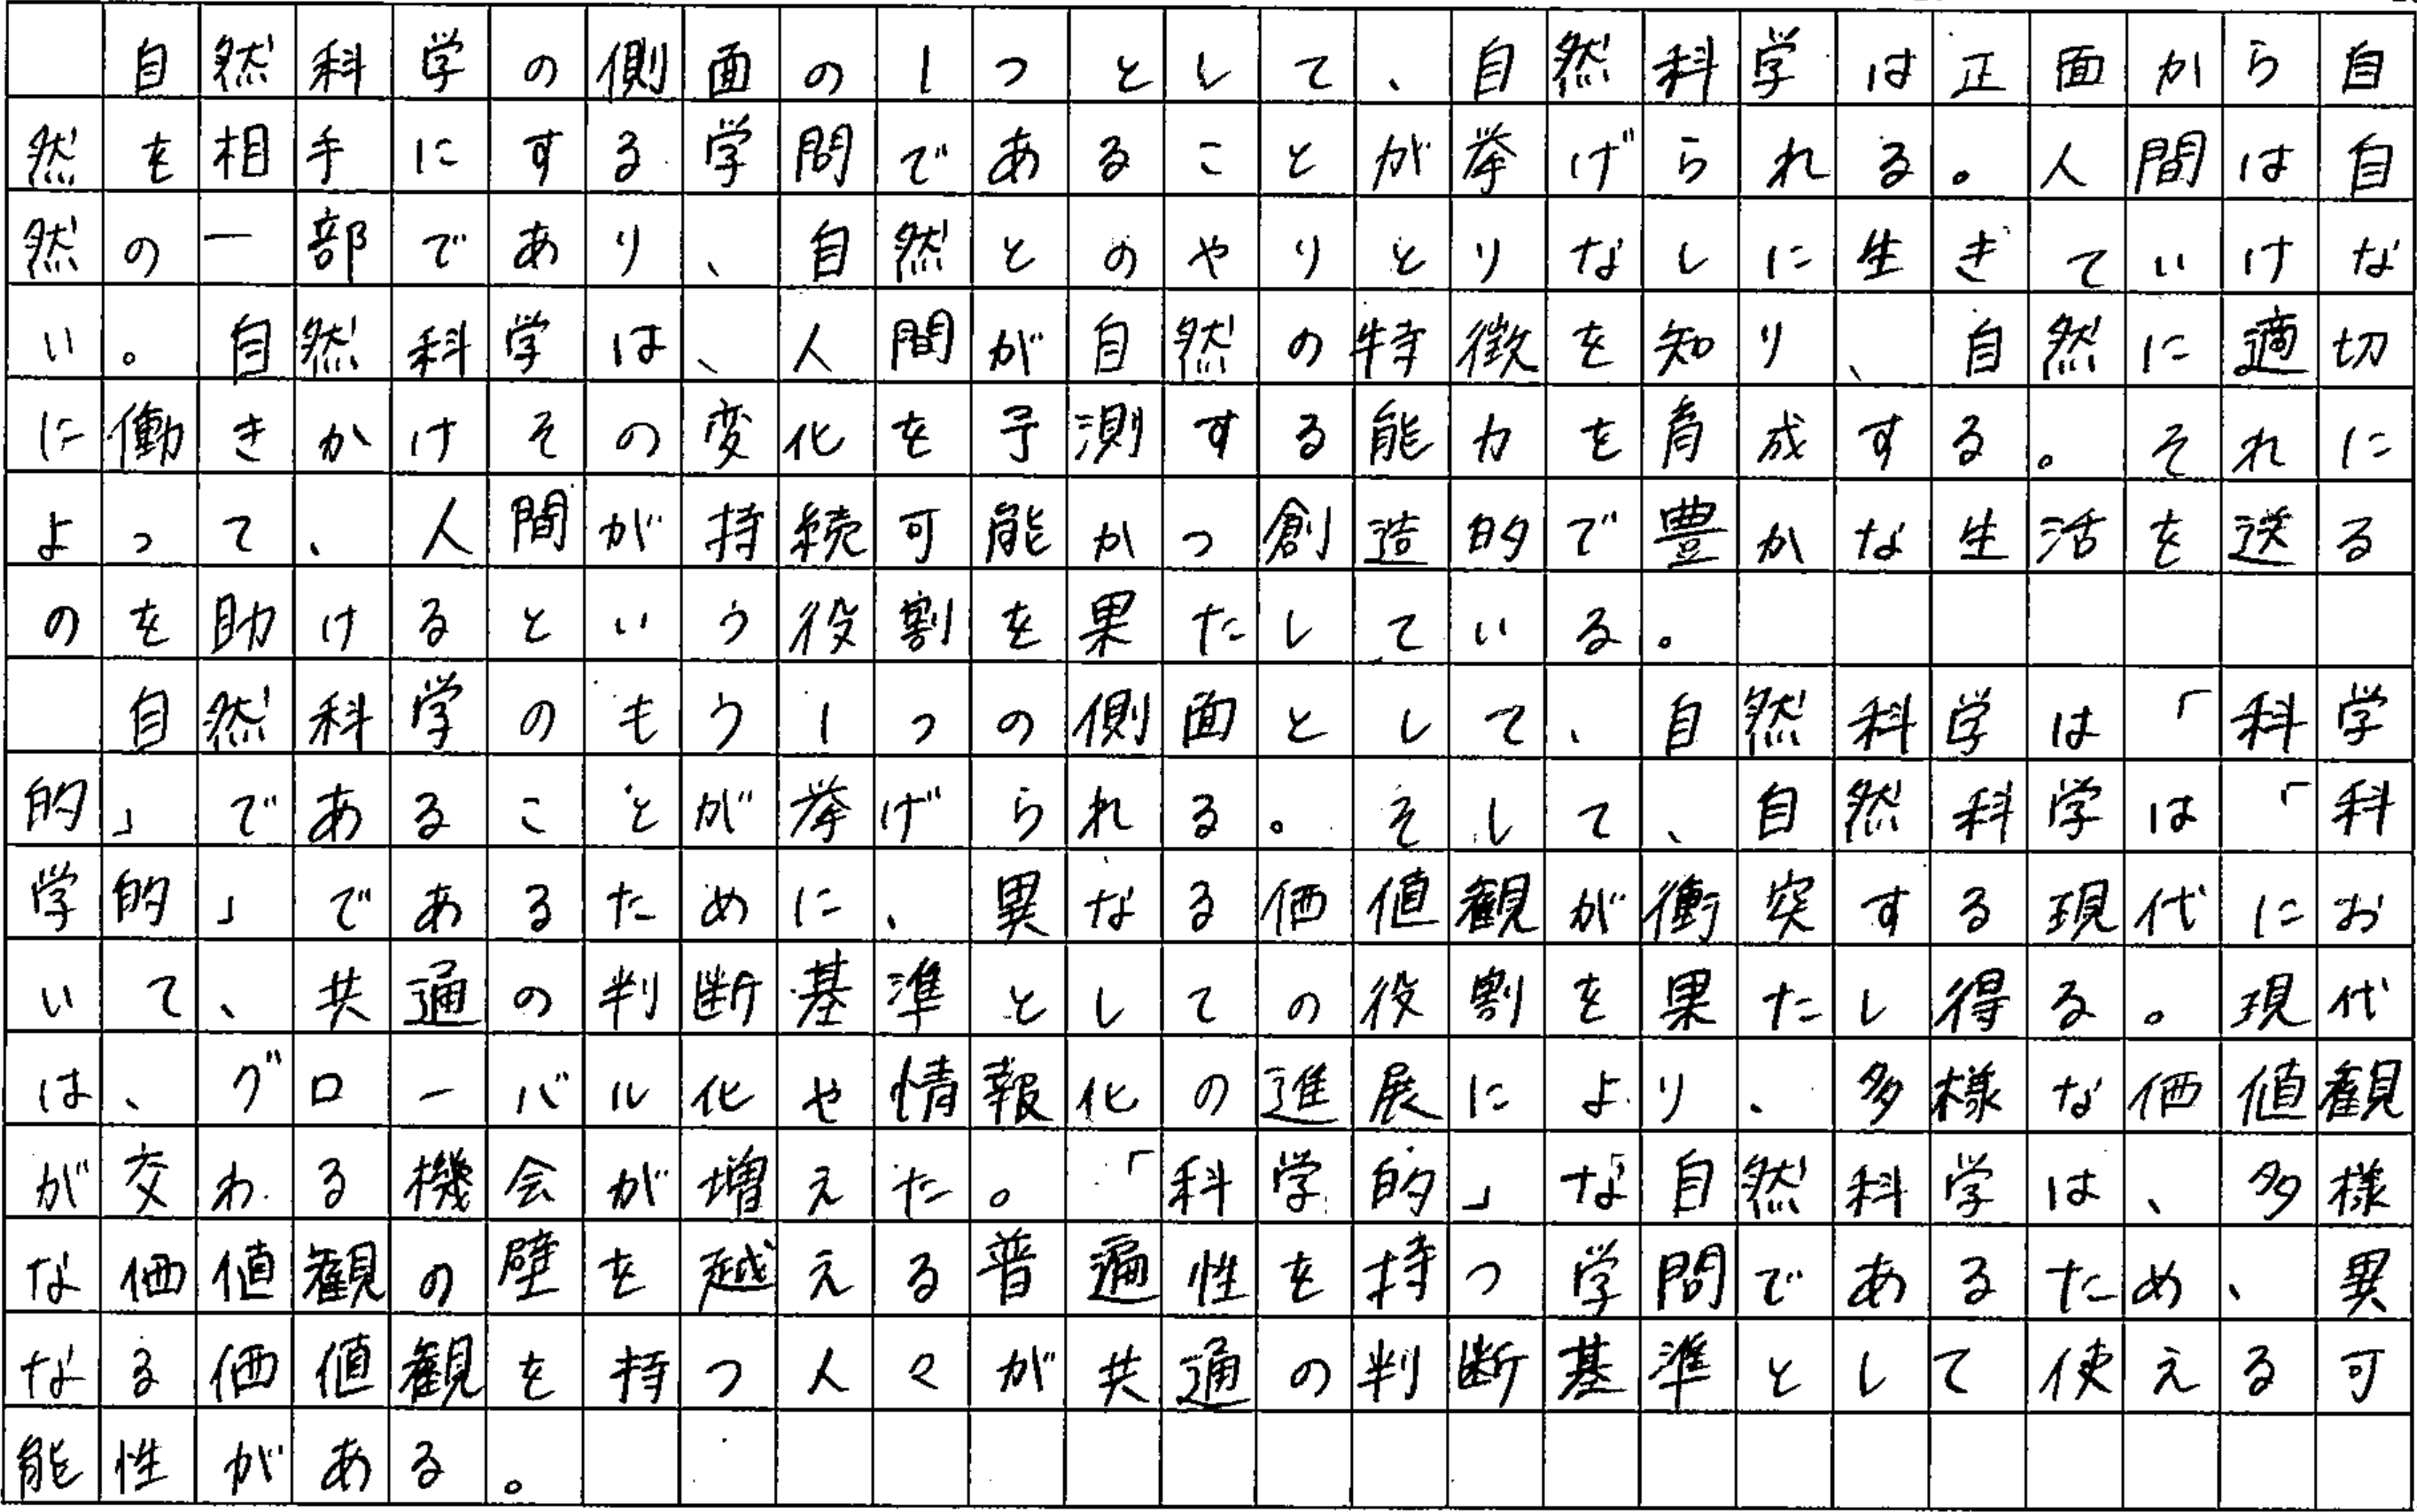　自然科学の側面の１つとして、自然科学は正面から自然を相手にする学問であることが挙げられる。人間は自然の一部であり、自然とのやりとりなしに生きていけない。自然科学は、人間が自然の特徴を知り、自然に適切に働きかけその変化を予測する能力を育成する。それによって、人間が持続可能かつ創造的で豊かな生活を送るのを助けるという役割を果たしている。
　自然科学のもう１つの側面として、自然科学は「科学的」であることが挙げられる。そして、自然科学は「科学的」であるために、異なる価値観が衝突する現代において、共通の判断基準としての役割を果たし得る。現代は、グローバル化や情報化の進展により、多様な価値観が交わる機会が増えた。「科学的」な自然科学は、多様な価値観の壁を越える普遍性を持つ学問であるため、異なる価値観を持つ人々が共通の判断基準として使える可能性がある。
